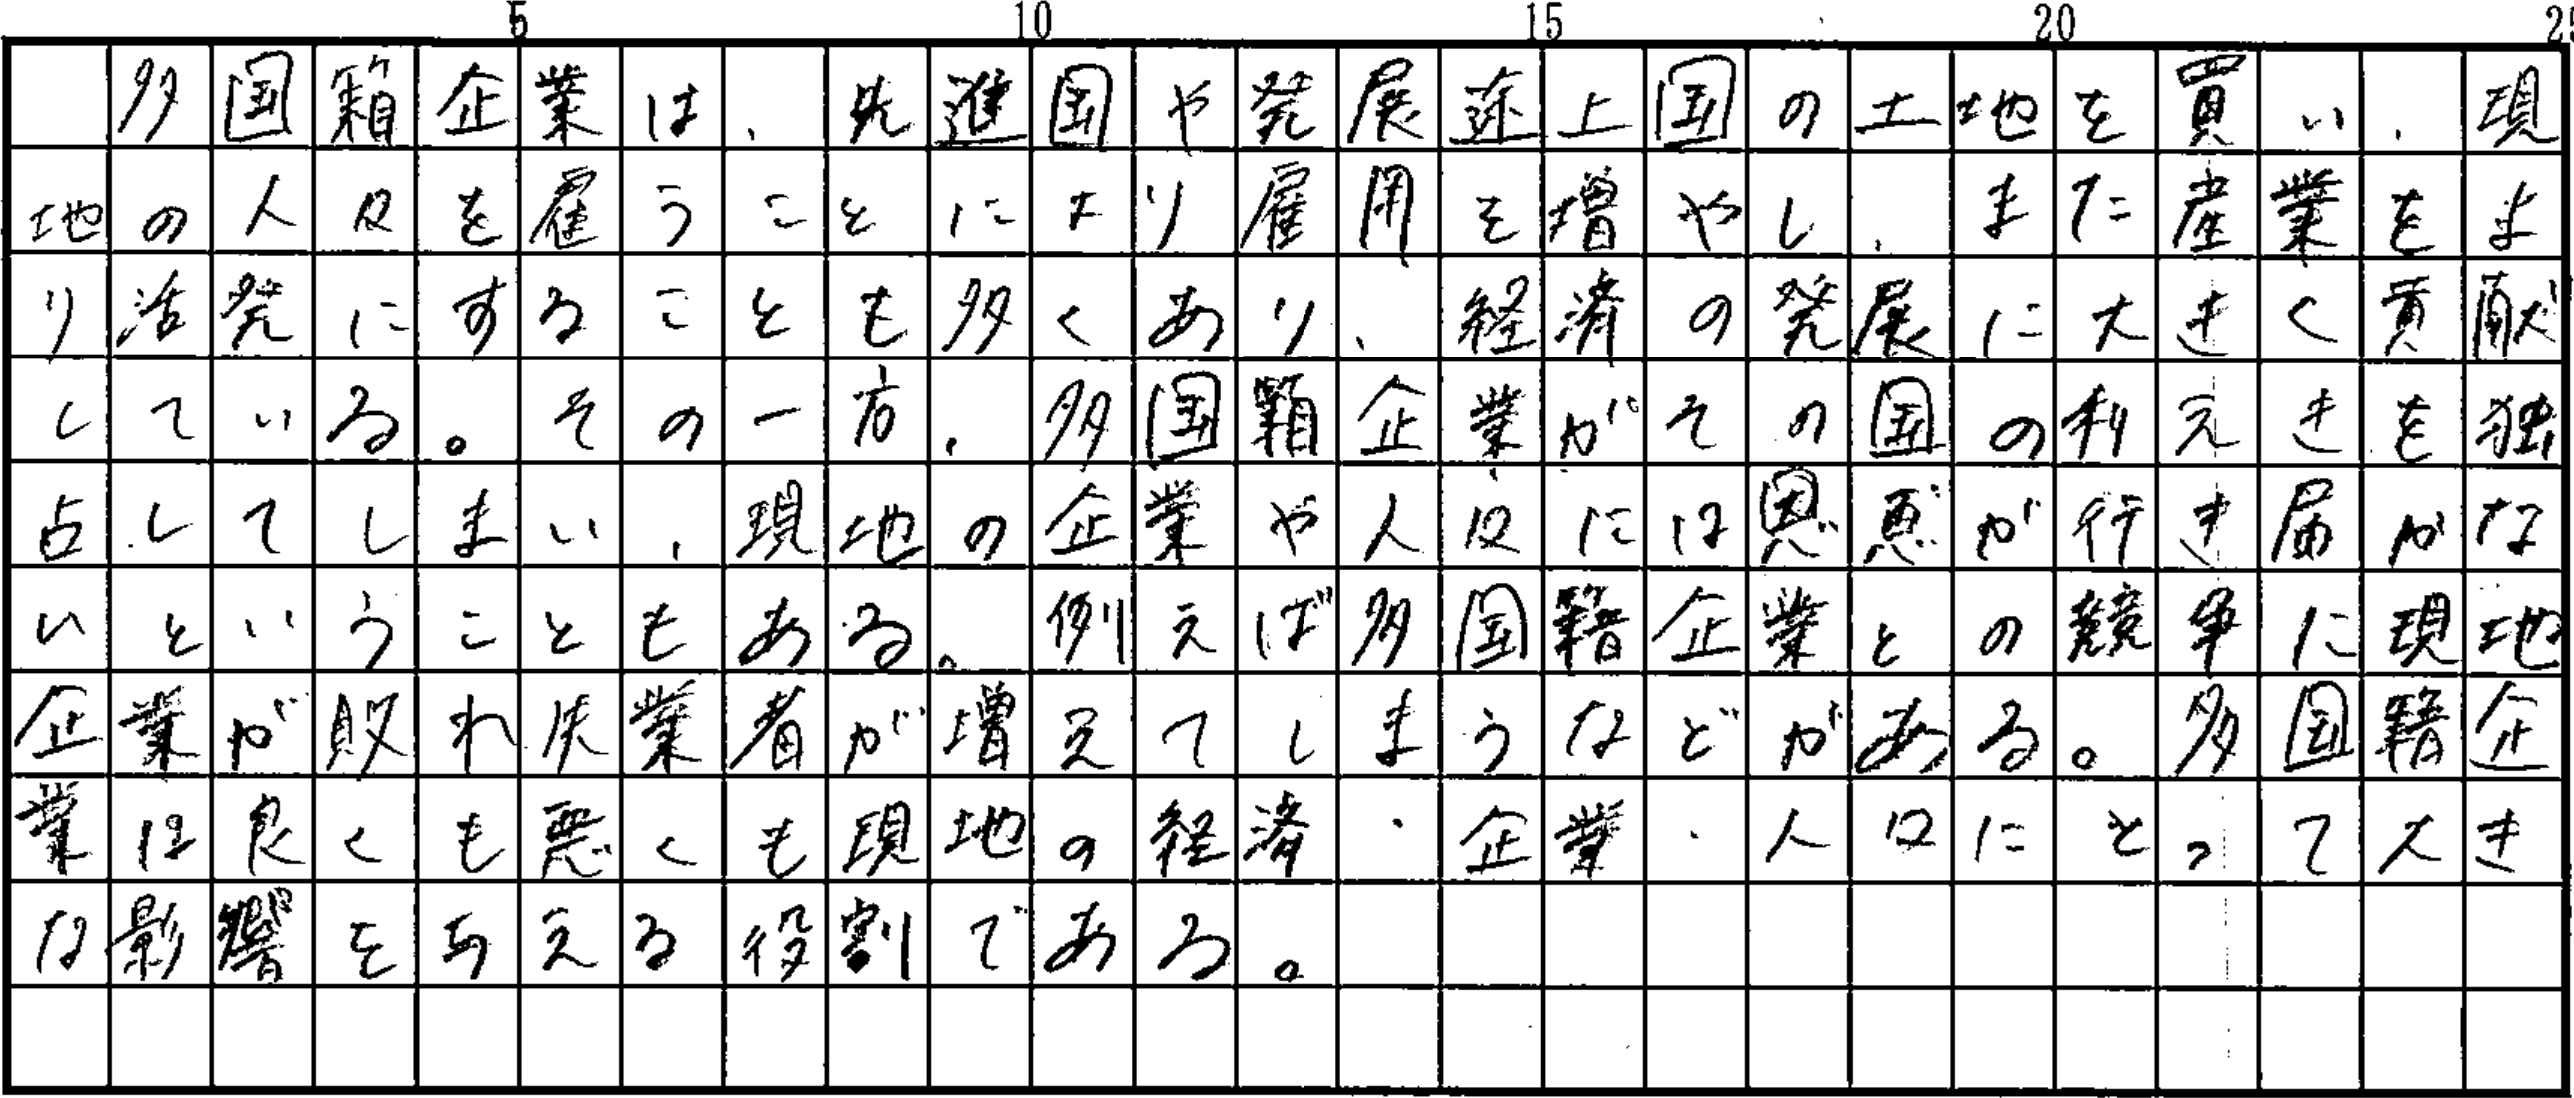　多国籍企業は、先進国や発展途上国の土地を買い、現地の人々を雇うことにより雇用を増やし、また産業をより活発にすることも多くあり、経済の発展に大きく貢献している。その一方、多国箱企業がその国の利えきをを独占してしまい、現地の企業や人々には恩▁が行き届かないということもある。例えば多国籍企業との競争に現地企業が敗れ失業者が増えてしまうなどがある。多国籍企業は良くも悪くも現地の経済・企業・人々にとって大きな影響を与える役割である。
